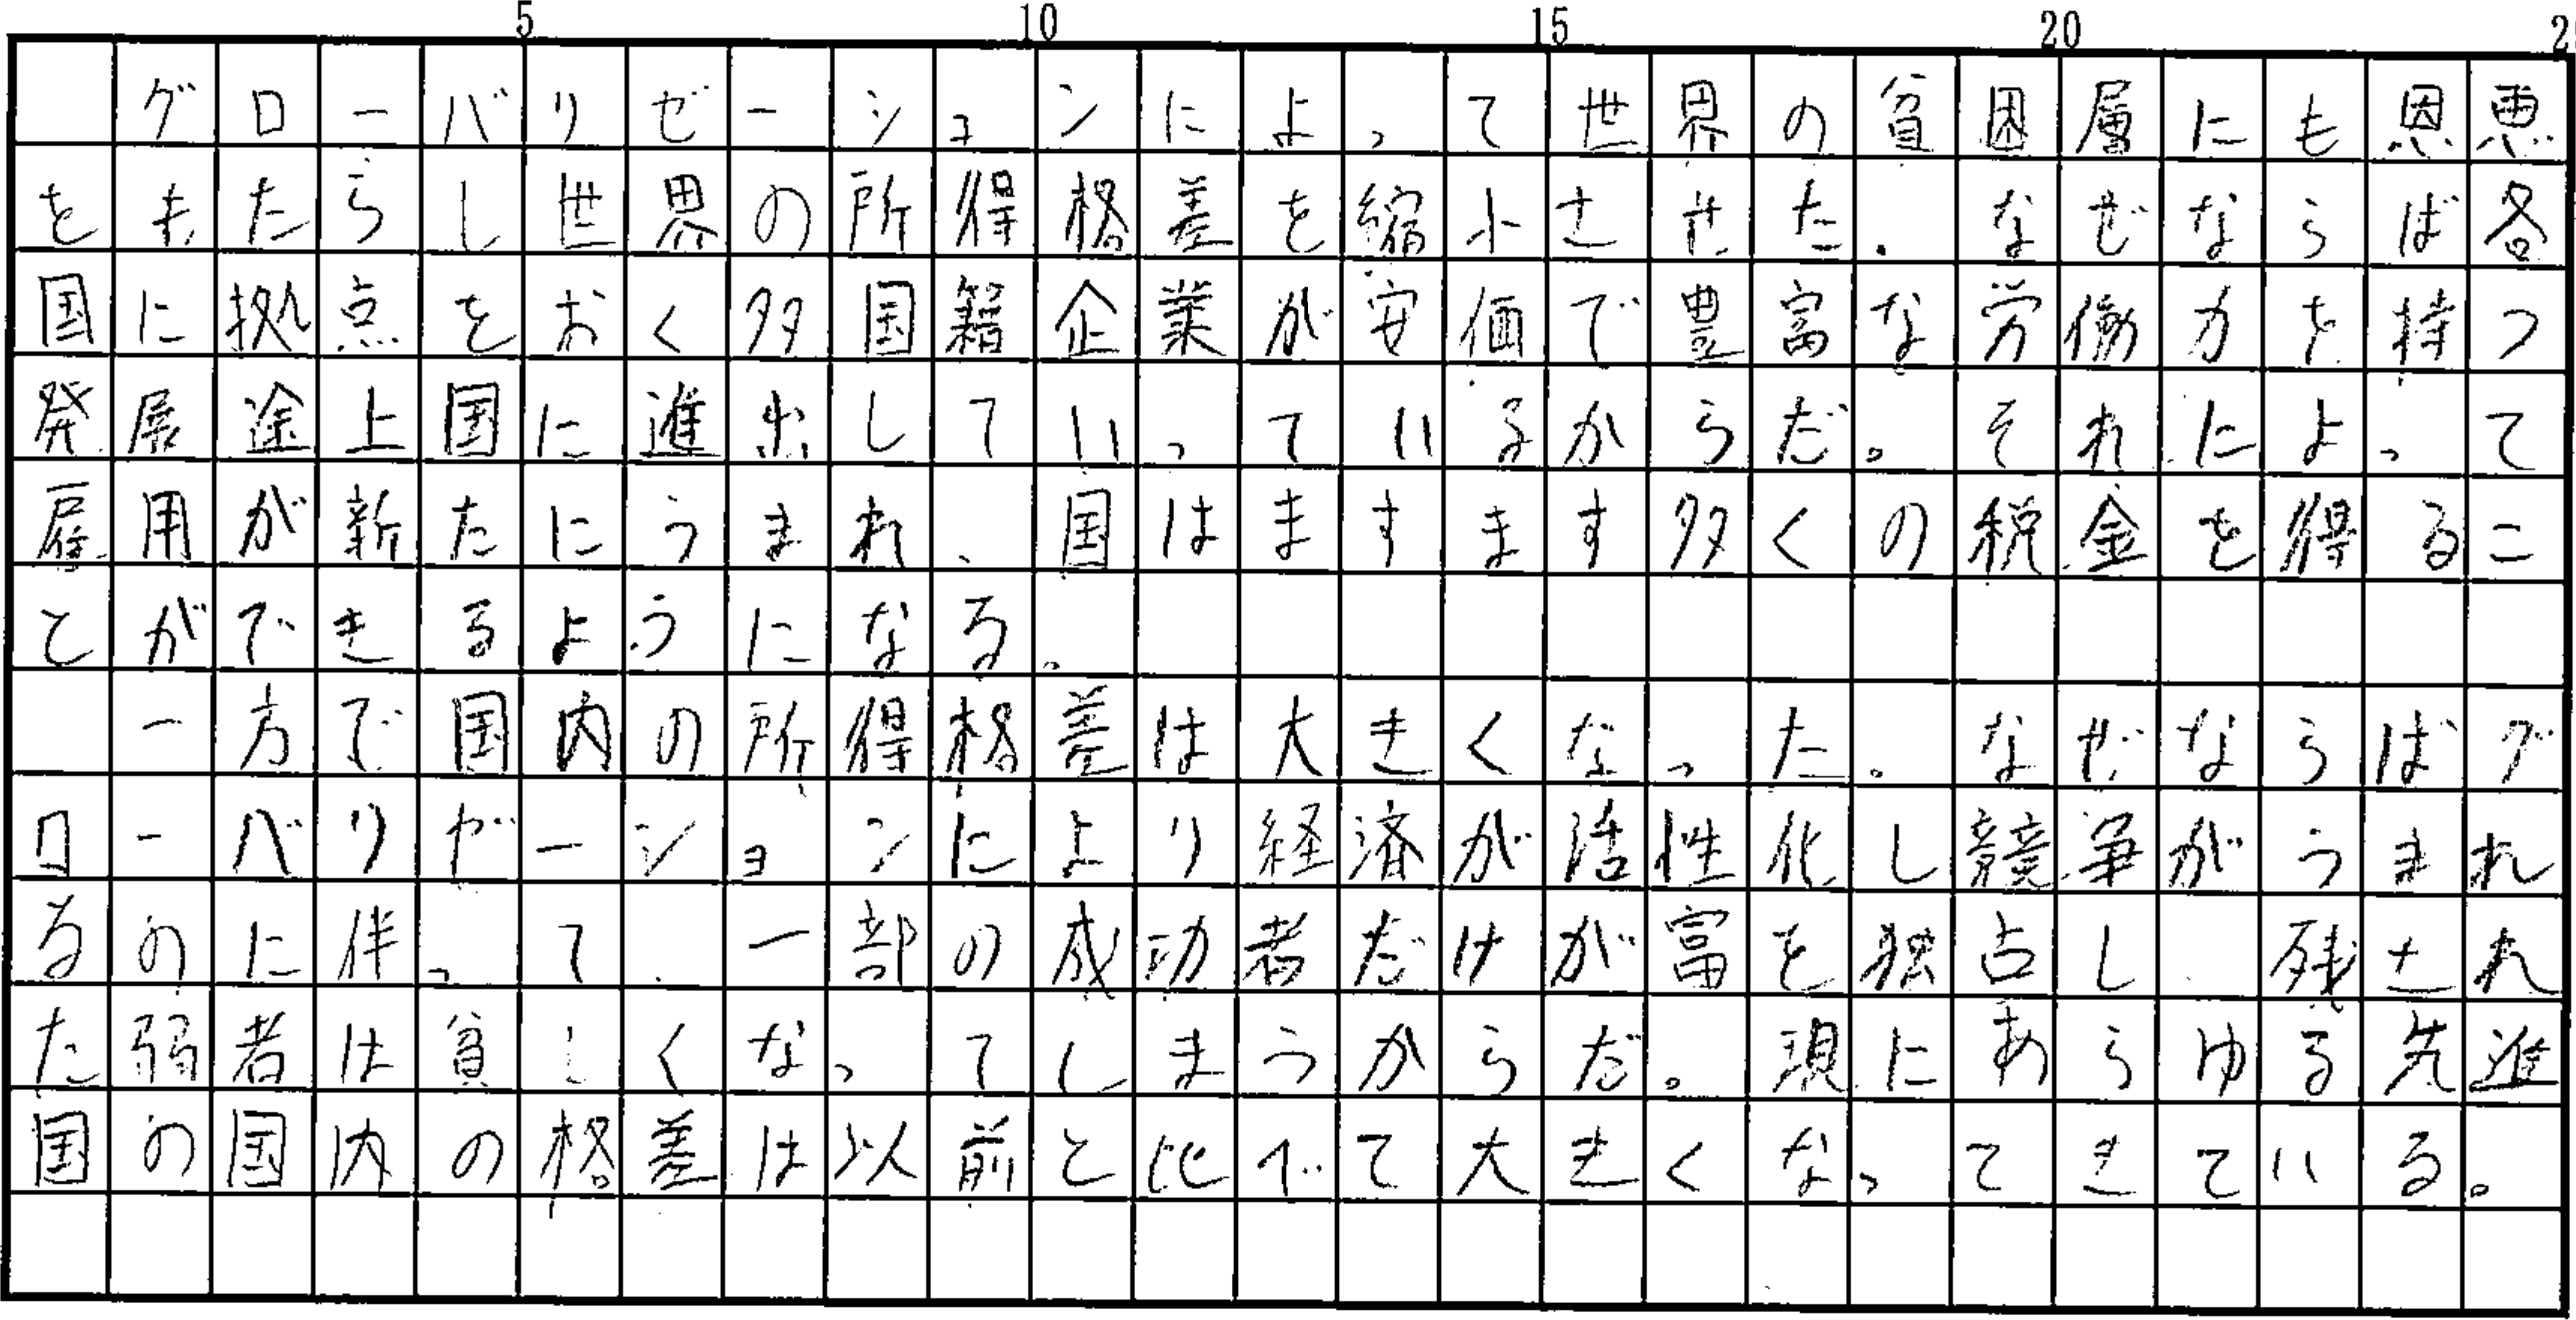　グローバリゼーションによって世界の貧困層にも恩恵をもたらし世界の所得格差を縮小させた。なぜならば各国に拠点をおく多国籍企業が安価で豊富な労働力を持つ発展途上国に進出していっているからだ。それによって雇用が新たにうまれ、国はますます多くの税金を得ることができるようになる。
　一方で国内の所得格差は大きくなった。なぜならばグローバリゼーションにより経済が活性化し競争がうまれるのに伴って、一部の成功者だけが富を独占し、残された弱者は貧しくなってしまうからだ。現にあらゆる先進国の国内の格差は以前と比べて大きくなってきている。
